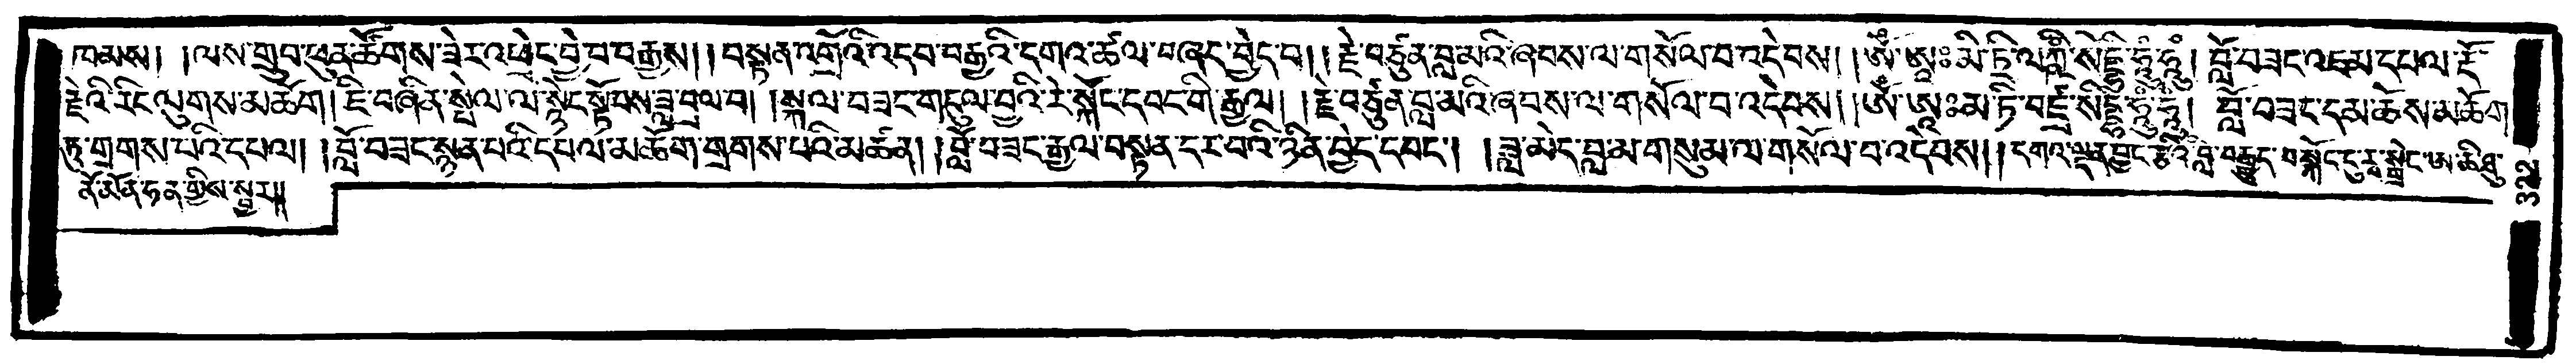ཁམས། །ལས་གྲུབ་ཕུན་ཚོགས་ཟེར་འཕྲེང་བྱེ་བ་བརྒྱས། །བསྟན་འགྲོའི་འདབ་བརྒྱའི་དགའ་ཚལ་བཞད་བྱེད་བ། །རྗེ་བཙུན་བླ་མའི་ཞབས་ལ་གསོལ་བ་འདེབས། །ཨོཾ་ཨཱཿ མི་ཏྲི་ལཀྵིཾ་སེདྡྷི་ཧཱུཾ་ཧཱུཾ། བློ་བཟང་འཇམ་དཔལ་རྡོ་
རྗེའི་རིང་ལུགས་མཆོག །ཇི་བཞིན་སྤེལ་ལ་སྙིང་སྟོབས་ཟླ་བྲལ་བ། །སྐལ་བཟང་གདུལ་བྱའི་རེ་སྐོང་དབང་གི་རྒྱལ། །རྗེ་བཙུན་བླ་མའི་ཞབས་ལ་གསོལ་བ་འདེབས། །ཨོཾ་ཨཱཿ མ་ཏི་བྫྲ་སིདྡྷི་ཧཱུཾ་ཧཱུཾ། བློ་བཟང་དམ་ཆོས་མཆོག་
ཏུ་གྲགས་པའི་དཔལ། །བློ་བཟང་སྙན་པའི་དཔལ་མཆོག་གྲགས་པའི་མཚན། །བློ་བཟང་རྒྱལ་བསྟན་དར་བའི་ཉིན་བྱེད་དབང་། །ཟླ་མེད་བླ་མ་གསུམ་ལ་གསོལ་བ་འདེབས། །དགའ་ལྡན་བྱང་རྩེའི་བླ་བརྒྱུད་བསྐོང་ངུ་རྭ་སྒྲེང་ཨ་ཆི་ཐུ་
ནོ་མོན་ཧན་གྱིས་སྦྱར།།